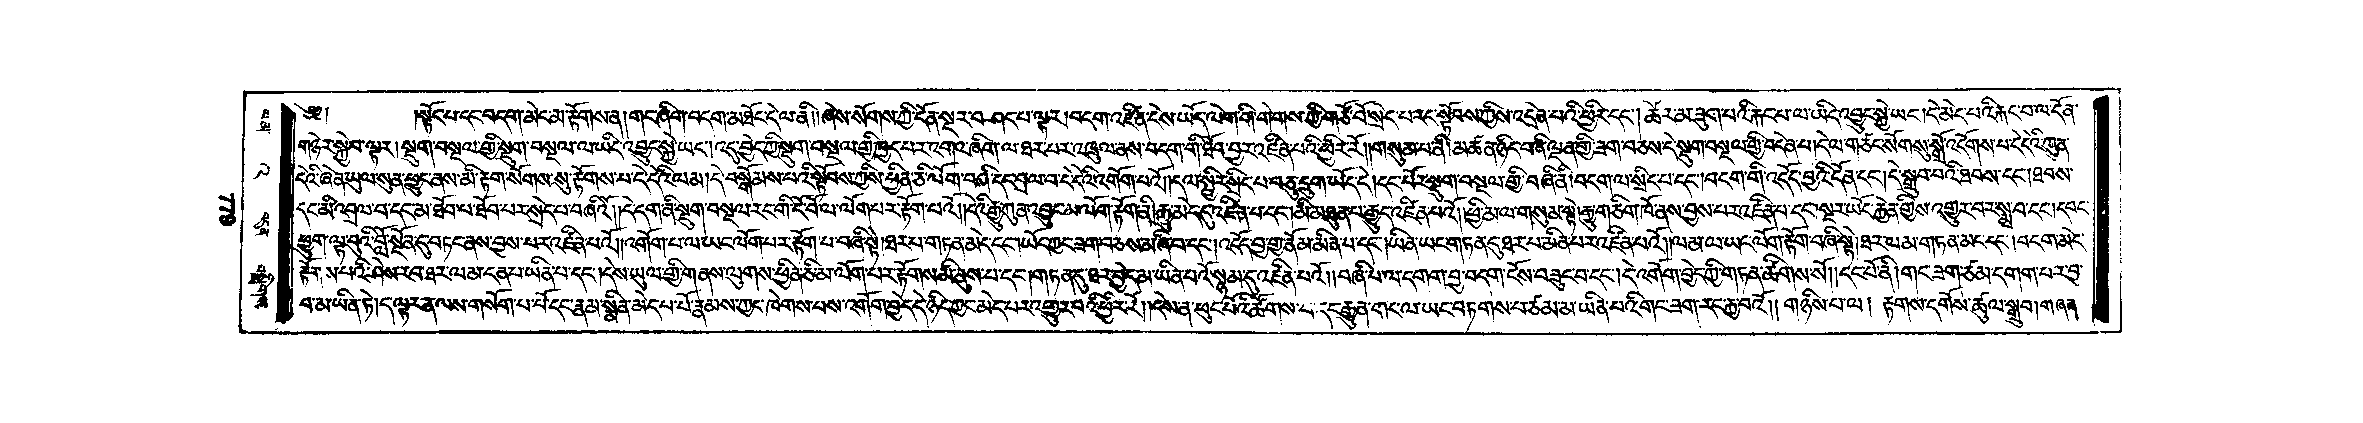༄༅། །སྟོང་པ་དང་བདག་མེད་མ་རྟོགས་ན། གང་ཞིག་བདག་མཐོང་དེ་ལ་ནི། །ཞེས་སོགས་ཀྱི་དོན་སྔར་བཤད་པ་ལྟར། བདག་འཛིན་ངེས་ཡོད་ལེག་གི་གེགས་ཀྱི་གཙོ་བོ་སྲེད་པ་རང་སྟོབས་ཀྱིས་འདྲེན་པའི་ཕྱིར་དང་། ཚེར་མ་ཟུག་པའི་རྐང་པ་ལ་ཡིད་འབྱུང་སྐྱེ་ཡང་། དེ་མེད་པའི་རྐང་པ་ལ་དོན་
གཉེར་སྐྱེ་བ་ལྟར། སྡུག་བསྔལ་གྱི་སྡུག་བསྔལ་ལ་ཡིད་འབྱུང་སྐྱེ་ཡང་། འདུ་བྱེད་ཀྱི་སྡུག་བསྔལ་གྱི་ཁྱད་པར་འགའ་ཞིག་ལ་ཐར་པར་འཁྲུལ་ནས་བདག་གི་ཐོབ་བྱར་འཛིན་པའི་ཕྱིར་རོ། །གསུམ་པ་ནི། མཚན་ཉིད་བཞི་ལྡན་གྱི་ཟག་བཅས་དེ་སྡུག་བསྔལ་གྱི་བདེན་པ། དེ་ལ་གཙང་སོགས་སུ་སྒྲོ་འདོགས་པ་དེ་དེའི་ཀུན་
དེའི་ཞེན་ཡུལ་སུན་ཕྱུང་ནས་མི་རྟག་སོགས་སུ་རྟོགས་པ་དེ་དེའི་ལམ། དེ་བསྒོམས་པའི་སྟོབས་ཀྱིས་ཕྱིན་ཅི་ལོག་བཞི་དང་བྲལ་བ་དེ་དེའི་འགོག་པའོ། །དལ་སྤྱིར་སྲིད་པ་བཅུ་དྲུག་ཡོད་དེ། དང་པོར་སྡུག་བསྔལ་གྱི་བཞི་ནི། བདག་ལ་སྲིད་པ་དང་། བདག་གི་འདོད་བྱའི་དོན་དང་། དེ་སྒྲུབ་པའི་ཐབས་དང་། ཐབས་
དང་མི་འབྲལ་བ་དང་མ་ཐོབ་པ་ཐོབ་པར་སྲེད་པ་བཞིའོ། །དེ་དག་ནི་སྡུག་བསྔལ་རང་གི་ངོ་བོ་ལ་ལོག་པར་རྟོག་པའོ། །དེའི་རྒྱུ་ཀུན་འབྱུང་མ་ལོག་རྟོག་ནི། རྒྱུ་མེད་དུ་འཛིན་པ་དང་། མི་མཐུན་པ་རྒྱུད་འཛིན་པའོ། །ཕྱི་མ་ལ་གསུམ་སྟེ། རྒྱུ་གཅིག་ཁོ་ནས་བྱས་པར་འཛིན་པ་དང་། སྔར་ཡོང་རྐྱེན་གྱིས་འགྱུར་བར་སྨྲ་བ་དང་། དབང་
ཕྱུག་ལྟ་བུའི་བློ་སྔོན་དུ་བཏང་ནས་བྱས་པར་འཛིན་པའོ། །འགོག་པ་ལ་ཡང་ལོག་པར་རྟོག་པ་བཞི་སྟེ། ཐར་པ་གཏན་མེད་དང་། ཡོད་ཀྱང་ཟག་བཅས་མ་ཞི་བ་དང་། འདོད་བྱ་གྱ་ནོམ་མིན་པ་དང་། ཡིན་ཡང་གཏན་དུ་ཐར་པ་མིན་པར་འཛིན་པའོ། །ལམ་ལ་ཡང་ལོག་རྟོག་བཞི་སྟེ། ཐར་ལམ་གཏན་མང་དང་། བདག་མེད་
རྟོགས་པའི་ཤེས་རབ་ཐར་ལམ་ངན་པ་ཡིན་པ་དང་། དེས་ཡུལ་གྱི་གནས་ལུགས་ཕྱིན་ཅི་མ་ལོག་པར་རྟོགས་མི་ནུས་པ་དང་། གཏན་དུ་ཐར་བྱེད་མ་ཡིན་པའོ་སྙམ་དུ་འཛིན་པའོ། །བཞི་པ་ལ་དགག་བྱ་བདག་ངོས་བཟུང་བ་དང་། དེ་འགོག་བྱེད་ཀྱི་གཏན་ཚིགས་སོ། །དང་པོ་ནི། གང་ཟག་ཙམ་དགག་པར་བྱ་
བ་མ་ཡིན་ཏེ། ད་ལྟར་ན་ལས་གསོག་པ་པོ་དང་རྣམ་སྨིན་མེད་པ་པོ་རྣམས་ཀྱང་ཁེགས་པས་འགོག་བྱེད་དེ་ཉིད་ཀྱང་མེད་པར་འགྱུར་བའི་ཕྱིར་རོ། །དེས་ན་ཕུང་པོའི་ཚོགས་པ་དང་རྒྱུན་གང་ལ་ཡང་བཏགས་པ་ཙམ་མ་ཡིན་པའི་གང་ཟག་རང་རྐྱ་བའོ། །གཉིས་པ་ལ། རྟགས་དགོས་ཚུལ་སྒྲུབ། གཞན་